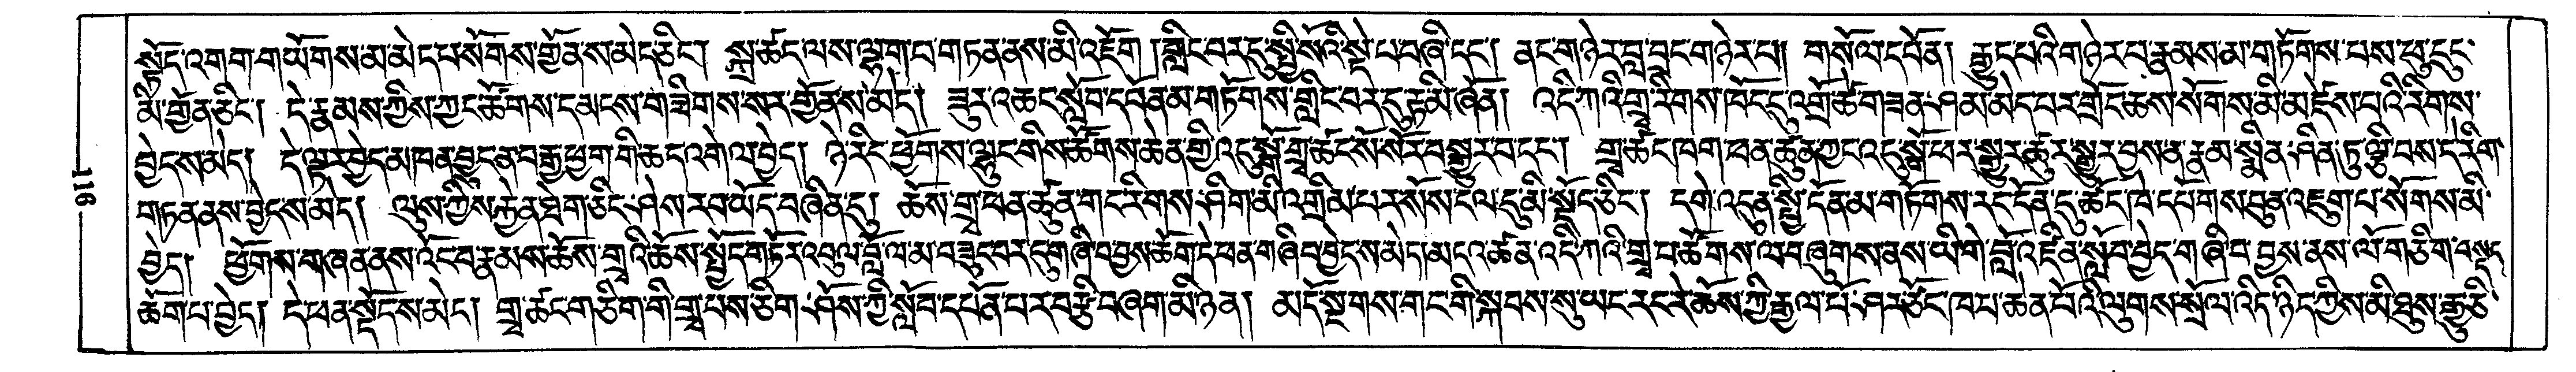སྟོད་འགག་གཡོགས་མ་མེད་པ་སོགས་གྱོན་ས་མེད་ཅིང་། སྐྲ་ཚད་ལས་ལྷག་པ་གཏན་ནས་མི་འཇོག །གླིང་བར་དུ་སྤྱི་སོའི་སྡེ་པ་བཞི་དང་། ནང་གཉེར་བླ་བྲང་གཉེར་པ། གསོལ་དཔོན། རྒྱུད་པའི་གཉེར་པ་རྣམས་མ་གཏོགས་པས་པུ་དུང་
མི་གྱོན་ཅིང་། དེ་རྣམས་ཀྱིས་ཀྱང་ཚོགས་དམངས་གཟིགས་སར་གྱོན་ས་མེད། ཟུར་འཆད་སློབ་དཔོན་མ་གཏོགས་གླིང་བར་དུ་རྟ་མི་ཞོན། འདི་ཀའི་གྲྭ་རིགས་ཁོང་དུ་འགྲོ་ཚེ་གཟན་ཤམ་མེད་པར་གྲོང་ཆས་སོགས་མི་མཛེས་པའི་རིགས་
བྱེད་ས་མེད། དེ་ལྟར་བྱེད་མཁན་བྱུང་ན་བརྒྱ་ཕྱག་གི་ཆད་འགེལ་བྱེད། ཉེ་རིང་ཕྱོགས་ལྷུང་གིས་ཚོགས་ཆེན་གྱི་འདུ་སྒོ་གྲྭ་ཚང་སོ་སོར་བསྒྱུར་བ་དང་། གྲྭ་ཚང་ཁག་ཕན་ཚུན་ཀྱང་འདུ་སྒོ་ཕར་སྒྱུར་ཚུར་སྒྱུར་བྱས་ན་རྣམ་སྨིན་ཤིན་ཏུ་ལྕི་བས་དེ་རིགས་
གཏན་ནས་བྱེད་ས་མེད། ལུས་ཀྱི་རྐྱེན་ཐེག་ཅིང་ཤེས་རབ་ཡོད་བཞིན་དུ། ཆོས་གྲྭ་ཕན་ཚུན་གང་རིགས་ཤིག་མི་འགྲིམ་པར་སོས་དལ་དུ་མི་སྔོད་ཅིང་། དགེ་འདུན་སྤྱི་དོན་མ་གཏོགས་རང་དོན་དུ་ཚོང་ཁེ་དཔོགས་བུན་འཇུག་པ་སོགས་མི་
བྱེད༑ ཕྱོགས་གཞན་ནས་འོང་བ་རྣམས་ཆོས་གྲྭའི་ཆོས་སྤྱོད་གཏོར་འབུལ་བློ་ལ་མ་བཟུང་བར་དུ་གཞི་བ་བྱས་ཆོག་དེ་ཕན་གཞི་བ་བྱེད་ས་མེད། མདའ་ཚན་འདི་ཀའི་གྲྭ་པ་ཚོགས་ལ་བཞུགས་ནས་ཡི་གེ་བློ་འཛིན་སློབ་བྱེད་གཞི་བ་བྱས་ནས་ལོ་གཅིག་བསྡང་
ཆོག་པ་བྱེད། དེ་ཕན་སྡོད་ས་མེད། གྲྭ་ཚང་གཅིག་གི་གྲྭ་པས་ཅིག་ཤོས་ཀྱི་སློབ་དཔོན་བར་བརྩི་བཞག་མི་ཉན། མདོ་སྔགས་གང་གི་སྐབས་སུ་ཡང་རང་རེ་ཆོས་ཀྱི་རྒྱལ་པོ་ཤར་ཙོང་ཁ་པ་ཆེན་པོའི་ལུགས་སྲོལ་འདི་ཉིད་ཀྱིས་མི་ཐུས་རྒྱུ་ཅི་